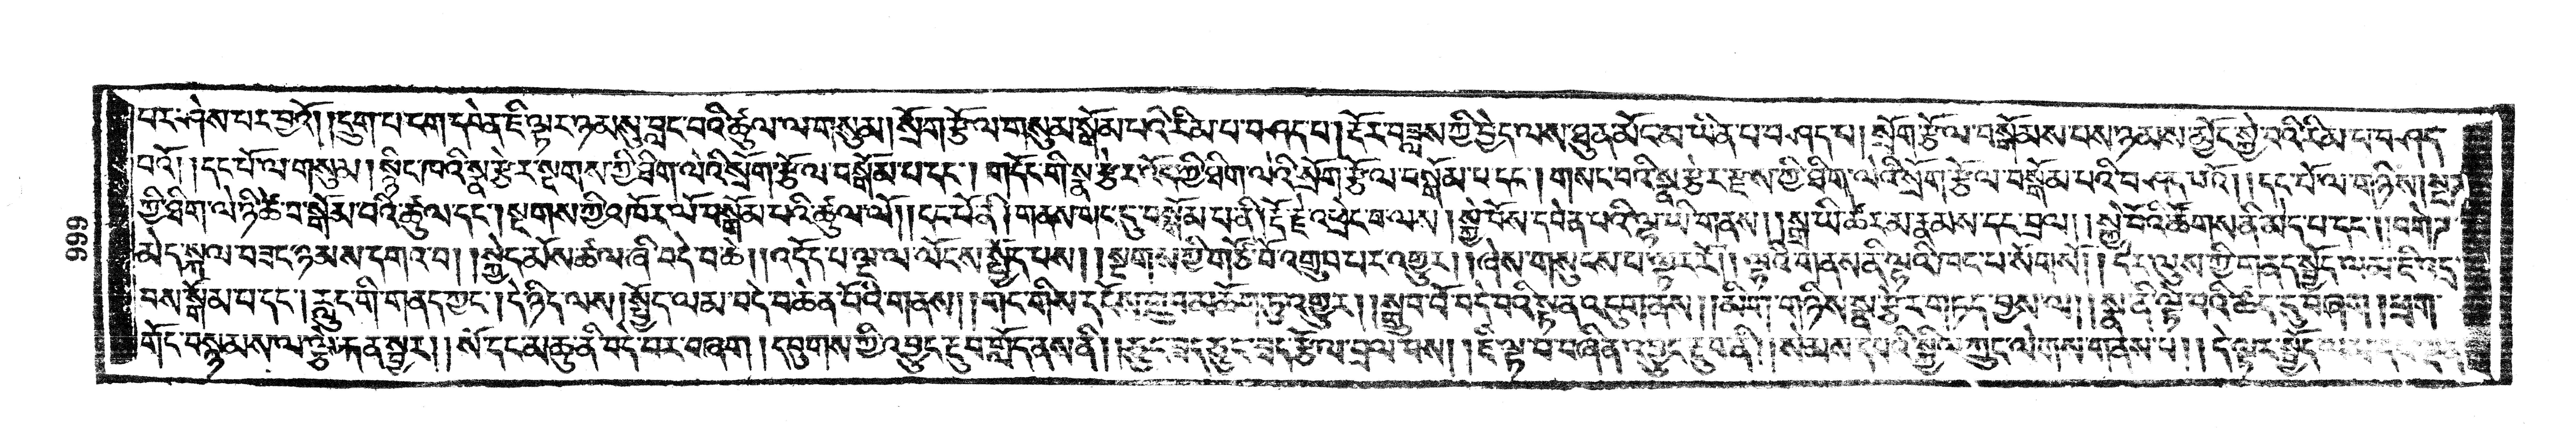པར་ཤེས་པར་བྱའོ། །དྲུག་པ་ངག་དབེན་ཇི་ལྟར་ཉམས་སུ་བླང་བའི་ཚུལ་ལ་གསུམ། སྲོག་རྩོལ་གསུམ་སྒོམ་པའི་རིམ་པ་བཤད་པ། རྡོར་བཟླས་ཀྱི་བྱེད་ལས་ཐུན་མོང་མ་ཡིན་པ་བཤད་པ། སྲོག་རྩོལ་བསྒོམས་པས་ཉམས་མྱོང་སྐྱེ་བའི་རིམ་པ་བཤད་
པའོ། །དང་པོ་ལ་གསུམ། སྙིང་ཁའི་སྣ་རྩེར་སྔགས་ཀྱི་ཐིག་ལེའི་སྲོག་རྩོལ་བསྒོམ་པ་དང་། གདོང་གི་སྣ་རྩེར་འོད་ཀྱི་ཐིག་ལེའི་སྲོག་རྩོལ་བསྒོམ་པ་དང་། གསང་བའི་སྣ་རྩེར་རྫས་ཀྱི་ཐིག་ལེའི་སྲོག་རྩོལ་བསྒོམ་པའི་བཤད་པའོ། །དང་པོ་ལ་གཉིས། སྔགས་
ཀྱི་ཐིག་ལེ་ཉི་ཚེ་བ་སྒོམ་པའི་ཚུལ་དང་། སྔགས་ཀྱི་འཁོར་ལོ་བསྒོམ་པའི་ཚུལ་ལོ། །དང་པོ་ནི། གནས་གང་དུ་བསྒོམ་པ་ནི། རྡོ་རྗེ་འཕྲེང་བ་ལས། སྐྱེ་བོས་དབེན་པའི་ལྷ་ཡི་གནས། །སྒྲ་ཡི་ཚེར་མ་རྣམས་དང་བྲལ། །སྐྱེ་བོའི་ཚོགས་ནི་མེད་པ་དང་། །བགེགས་
མེད་སྐལ་བཟང་ཉམས་དགའ་བ། །སྐྱེད་མོས་ཚལ་ཞི་བདེ་བ་ཆེ། །འདོད་པ་ལྔ་ལ་ལོངས་སྤྱོད་པས། །སྔགས་ཀྱི་གཙོ་བོ་འགྲུབ་པར་འགྱུར། །ཞེས་གསུངས་པ་ལྟར་རོ། །ལྷའི་གནས་ནི་ལྷའི་ཁང་པ་སོགས་སོ། །དེར་ལུས་ཀྱི་གནད་སྤྱོད་ལམ་ཇི་འདྲ་
བས་སྒོམ་པ་དང་། རླུང་གི་གནད་ཀྱང་། དེ་ཉིད་ལས། སྤྱོད་ལམ་བདེ་བ་ཆེན་པོའི་གནས། །གང་གིས་དངོས་གྲུབ་མཆོག་ཏུ་འགྱུར། །སྒྲུབ་པོ་བདེ་བའི་སྟན་འདུག་ནས། །མིག་གཉིས་སྣ་རྩེར་གཏད་བྱས་ལ། །སྣ་ནི་ལྟེ་བའི་ཚད་དུ་བཞག །ཕྲག་
གོང་བསྙམས་ལ་ལྕེ་རྐན་སྦྱར། །སོ་དང་མཆུ་ནི་བདེ་བར་བཞག །དབུགས་ཀྱི་འབྱུང་རྡུབ་གློང་ནས་ནི། །ཅུང་ཟད་ཅུང་ཟད་རྩོལ་བྲལ་བས། །ཇི་ལྟ་བ་བཞིན་འབྱུང་རྔུབ་ནི། །སེམས་དཔའི་སྐྱིལ་ཀྲུང་ལེགས་གནས་པ། དེ་ལྟར་སྤྱོད་ལམ་དང་ལྡན་